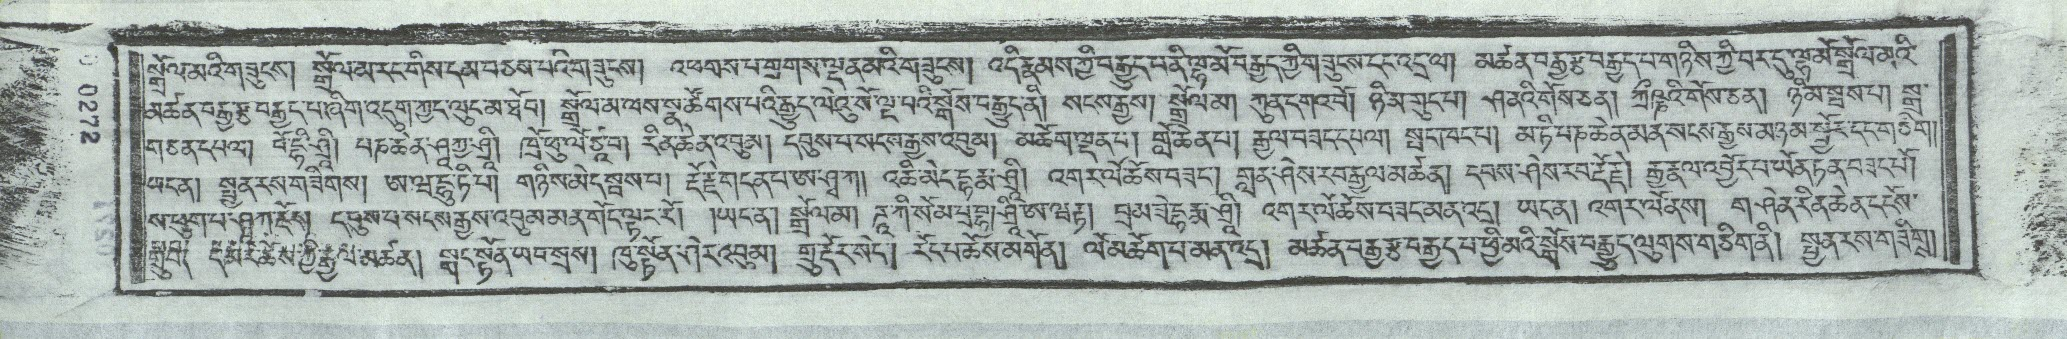སྒྲོལ་མའི་གཟུངས། སྒྲོལ་མ་རང་གིས་དམ་བཅས་པའི་གཟུངས། འཕགས་པ་གྲགས་ལྡན་མའི་གཟུངས། འདི་རྣམས་ཀྱི་བརྒྱུད་པ་ནི་ལྷ་མོ་བརྒྱད་ཀྱི་གཟུངས་དང་འདྲ་ལ། མཚན་བརྒྱ་རྩ་བརྒྱད་པ་གཉིས་ཀྱི་བར་དུ་ལྷ་མོ་སྒྲོལ་མའི་
མཚན་བརྒྱ་རྩ་བརྒྱད་པ་ཞིག་འདུག་ཀྱང་ལུང་མ་ཐོབ། སྒྲོལ་མ་ལས་སྣ་ཚོགས་པའི་རྒྱུད་ལེའུ་སོ་ལྔ་པའི་སྒོས་བརྒྱུད་ནི། སངས་རྒྱས། སྒྲོལ་མ། ཀུན་དགའ་བོ། ཉི་མ་གུང་པ། ཤ་ནའི་གོས་ཅན། ཀྲྀཥཎཱི་གོས་ཅན། ཉི་མ་སྦས་པ། སྒྲ་
གཅན་དཔལ། བོ་དྷི་ཤྲཱི། པཎ་ཆེན་ཤཱཀྱ་ཤྲི། ཁྲོ་ཕུ་ལོ་ཙཱ་བ། རིན་ཆེན་འབུམ། དབུས་པ་སངས་རྒྱས་འབུམ། མཆོག་ལྡན་པ། གློ་ཆེན་པ། རྒྱལ་བཟང་དཔལ། སྤང་ཁང་པ། མ་ཏི་པཎ་ཆེན་མན་སངས་རྒྱས་མཉམ་སྦྱོར་དང་གཅིག།
ཡང་ན། སྤྱན་རས་གཟིགས། ཨ་ཝ་དྷུ་ཏི་པ། གཉིས་མེད་སྦས་པ། རྡོ་རྗེ་གདན་པ་ཨ་ཤྭ་ཀ། འཆི་མེད་དྷརྨ་ཤྲཱི། འགར་ལོ་ཆོས་བཟང་། བླན་ཤེས་རབ་རྒྱལ་མཚན། དབས་ཤེས་རབ་རྡོ་རྗེ། རྒྱ་རྣལ་འབྱོར་པ་ཡོན་ཏན་བཟང་པོ།
ས་ཕུག་པ་ཤཱཀྱ་རྡོར། དབུས་པ་སངས་རྒྱས་འབུམ་མན་གོང་ལྟར་རོ། །ཡང་ན། སྒྲོལ་མ། ཌཱ་ཀི་སོམ་པྲ་གྷ་ཤྲཱི་ཨ་ཝ་རྟ། བྲམ་པེ་དྷརྨ་ཤྲཱི། འགར་ལོ་ཆོས་བཟང་མན་འདྲ། ཡང་། འགར་ལོ་ནས། གཤེན་རིན་ཆེན་དངོས་
གྲུབ༑ དམར་ཆོས་ཀྱི་རྒྱལ་མཚན། སྒང་སྟོན་ཡབ་སྲས། ཁུ་སྟོན་ཤེར་འབུམ། གྲུ་རྡོར་སེང་། རོང་པ་ཆོས་མགོན། ལོ་མཆོག་མན་འདྲ། མཚན་བརྒྱ་རྩ་བརྒྱད་པ་ཕྱི་མའི་སྒོས་བརྒྱུད་ལུགས་གཅིག་ནི། སྤྱན་རས་གཟིགས།